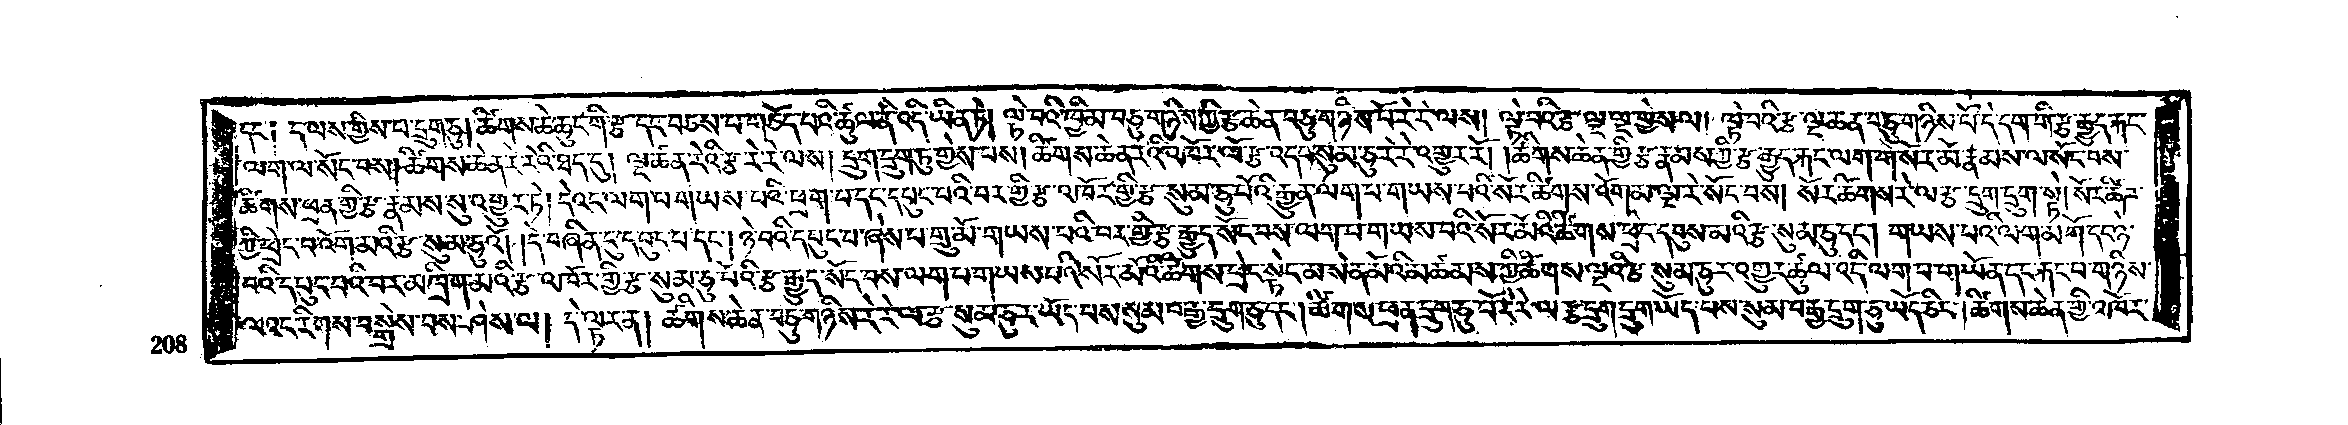དང་། ད་ལས་གྱིས་པ་དྲུག་ཅུ། ཚིགས་ཆེ་ཆུང་གི་རྩ་དང་བཅས་པ་གཅོད་པའི་ཚུལ་ནི་འདི་ཡིན་ཏེ། ལྟེ་བའི་ཁྱིམ་བཅུ་གཉིས་ཀྱི་རྩ་ཆེན་བཅུ་གཉིས་པོ་རེ་རེ་ལས། ལྟེ་བའི་རྩ་ལྔ་ལྔ་གྱེས་ལ། ལྟེ་བའི་རྩ་ལྔ་ཚན་བཅུ་གཉིས་པོ་དེ་དག་གི་རྩ་རྒྱུད་རྐང་
ལག་ལ་སོང་བས། ཚིགས་ཆེན་རེ་རེའི་ཐད་དུ། ལྔ་ཚན་རེའི་རྩ་རེ་རེ་ལས། དྲུག་དྲུག་ཏུ་གྱེས་པས། ཚིགས་ཆེན་རའི་འཁོར་ལོ་རྩ་འདབ་སུམ་ཅུ་རེ་རེ་འགྱུར་རོ། །ཚིགས་ཆེན་གྱི་རྩ་རྣམས་ཀྱི་རྩ་རྒྱུད་རྐང་ལག་གི་སོར་མོ་རྣམས་ལ་སོང་བས་
ཚིགས་ཕྲན་གྱི་རྩ་རྣམས་སུ་འགྱུར་ཏེ། དེའང་ལག་པ་གཡས་པའི་ཕྲག་པ་དང་དཔུང་བའི་བར་གྱི་རྩ་འཁོར་གྱི་རྩ་སུམ་ཅུ་པོའི་རྒྱུན་ལག་པ་གཡས་པའི་སོར་ཚིགས་འོག་མ་ལྔ་རེ་སོང་བས། སོར་ཚིགས་རེ་ལ་རྩ་དྲུག་དྲུག་སྟེ། སོར་ཚིགས་
ཀྱི་ཕྲེང་བ་འོག་མའི་རྩ་སུམ་ཅུའོ། །དེ་བཞིན་དུ་དབུང་པ་དང་། ཉེ་བའི་དཔུང་པ་ཞེས་པ་གྲུ་མོ་གཡས་པའི་བར་གྱི་རྩ་རྒྱུད་སོང་བས་ལག་པ་གཡས་པའི་སོར་མོའི་ཚིགས་ཕྲེང་དབུས་མའི་རྩ་སུམ་ཅུ་དང་། གཡས་པའི་ལག་མགོ་དང་ཉེ་
བའི་དཔུང་པའི་བར་མཁྲིག་མའི་རྩ་འཁོར་གྱི་རྩ་སུམ་ཅུ་པོའི་རྩ་རྒྱུད་སོང་བས་ལག་པ་གཡས་པའི་སོར་མོའི་ཚིགས་ཕྲེང་སྟེང་མ་སེན་མོའི་མཚམས་ཀྱི་ཚིགས་ལྔའི་རྩ་སུམ་ཅུར་འགྱུར་ཚུལ་འདི་ལག་པ་གཡོན་དང་རྐང་བ་གཉིས་
ལའང་རིགས་བསྒྲེས་བས་ཤེས་ལ། དེ་ལྟར་ན། ཚིགས་ཆེན་བཅུ་གཉིས་རེ་རེ་ལ་རྩ་སུམ་ཅུར་ཡོད་པས་སུམ་བརྒྱུ་དྲུག་ཅུ་དང་། ཚིགས་ཕྲན་དྲུག་ཅུ་པོ་རེ་རེ་ལ་རྩ་དྲུག་དྲུག་ཡོད་པས་སུམ་བརྒྱ་དྲུག་ཅུ་ཡོད་ཅིང་། ཚིགས་ཆེན་གྱི་འཁོར་